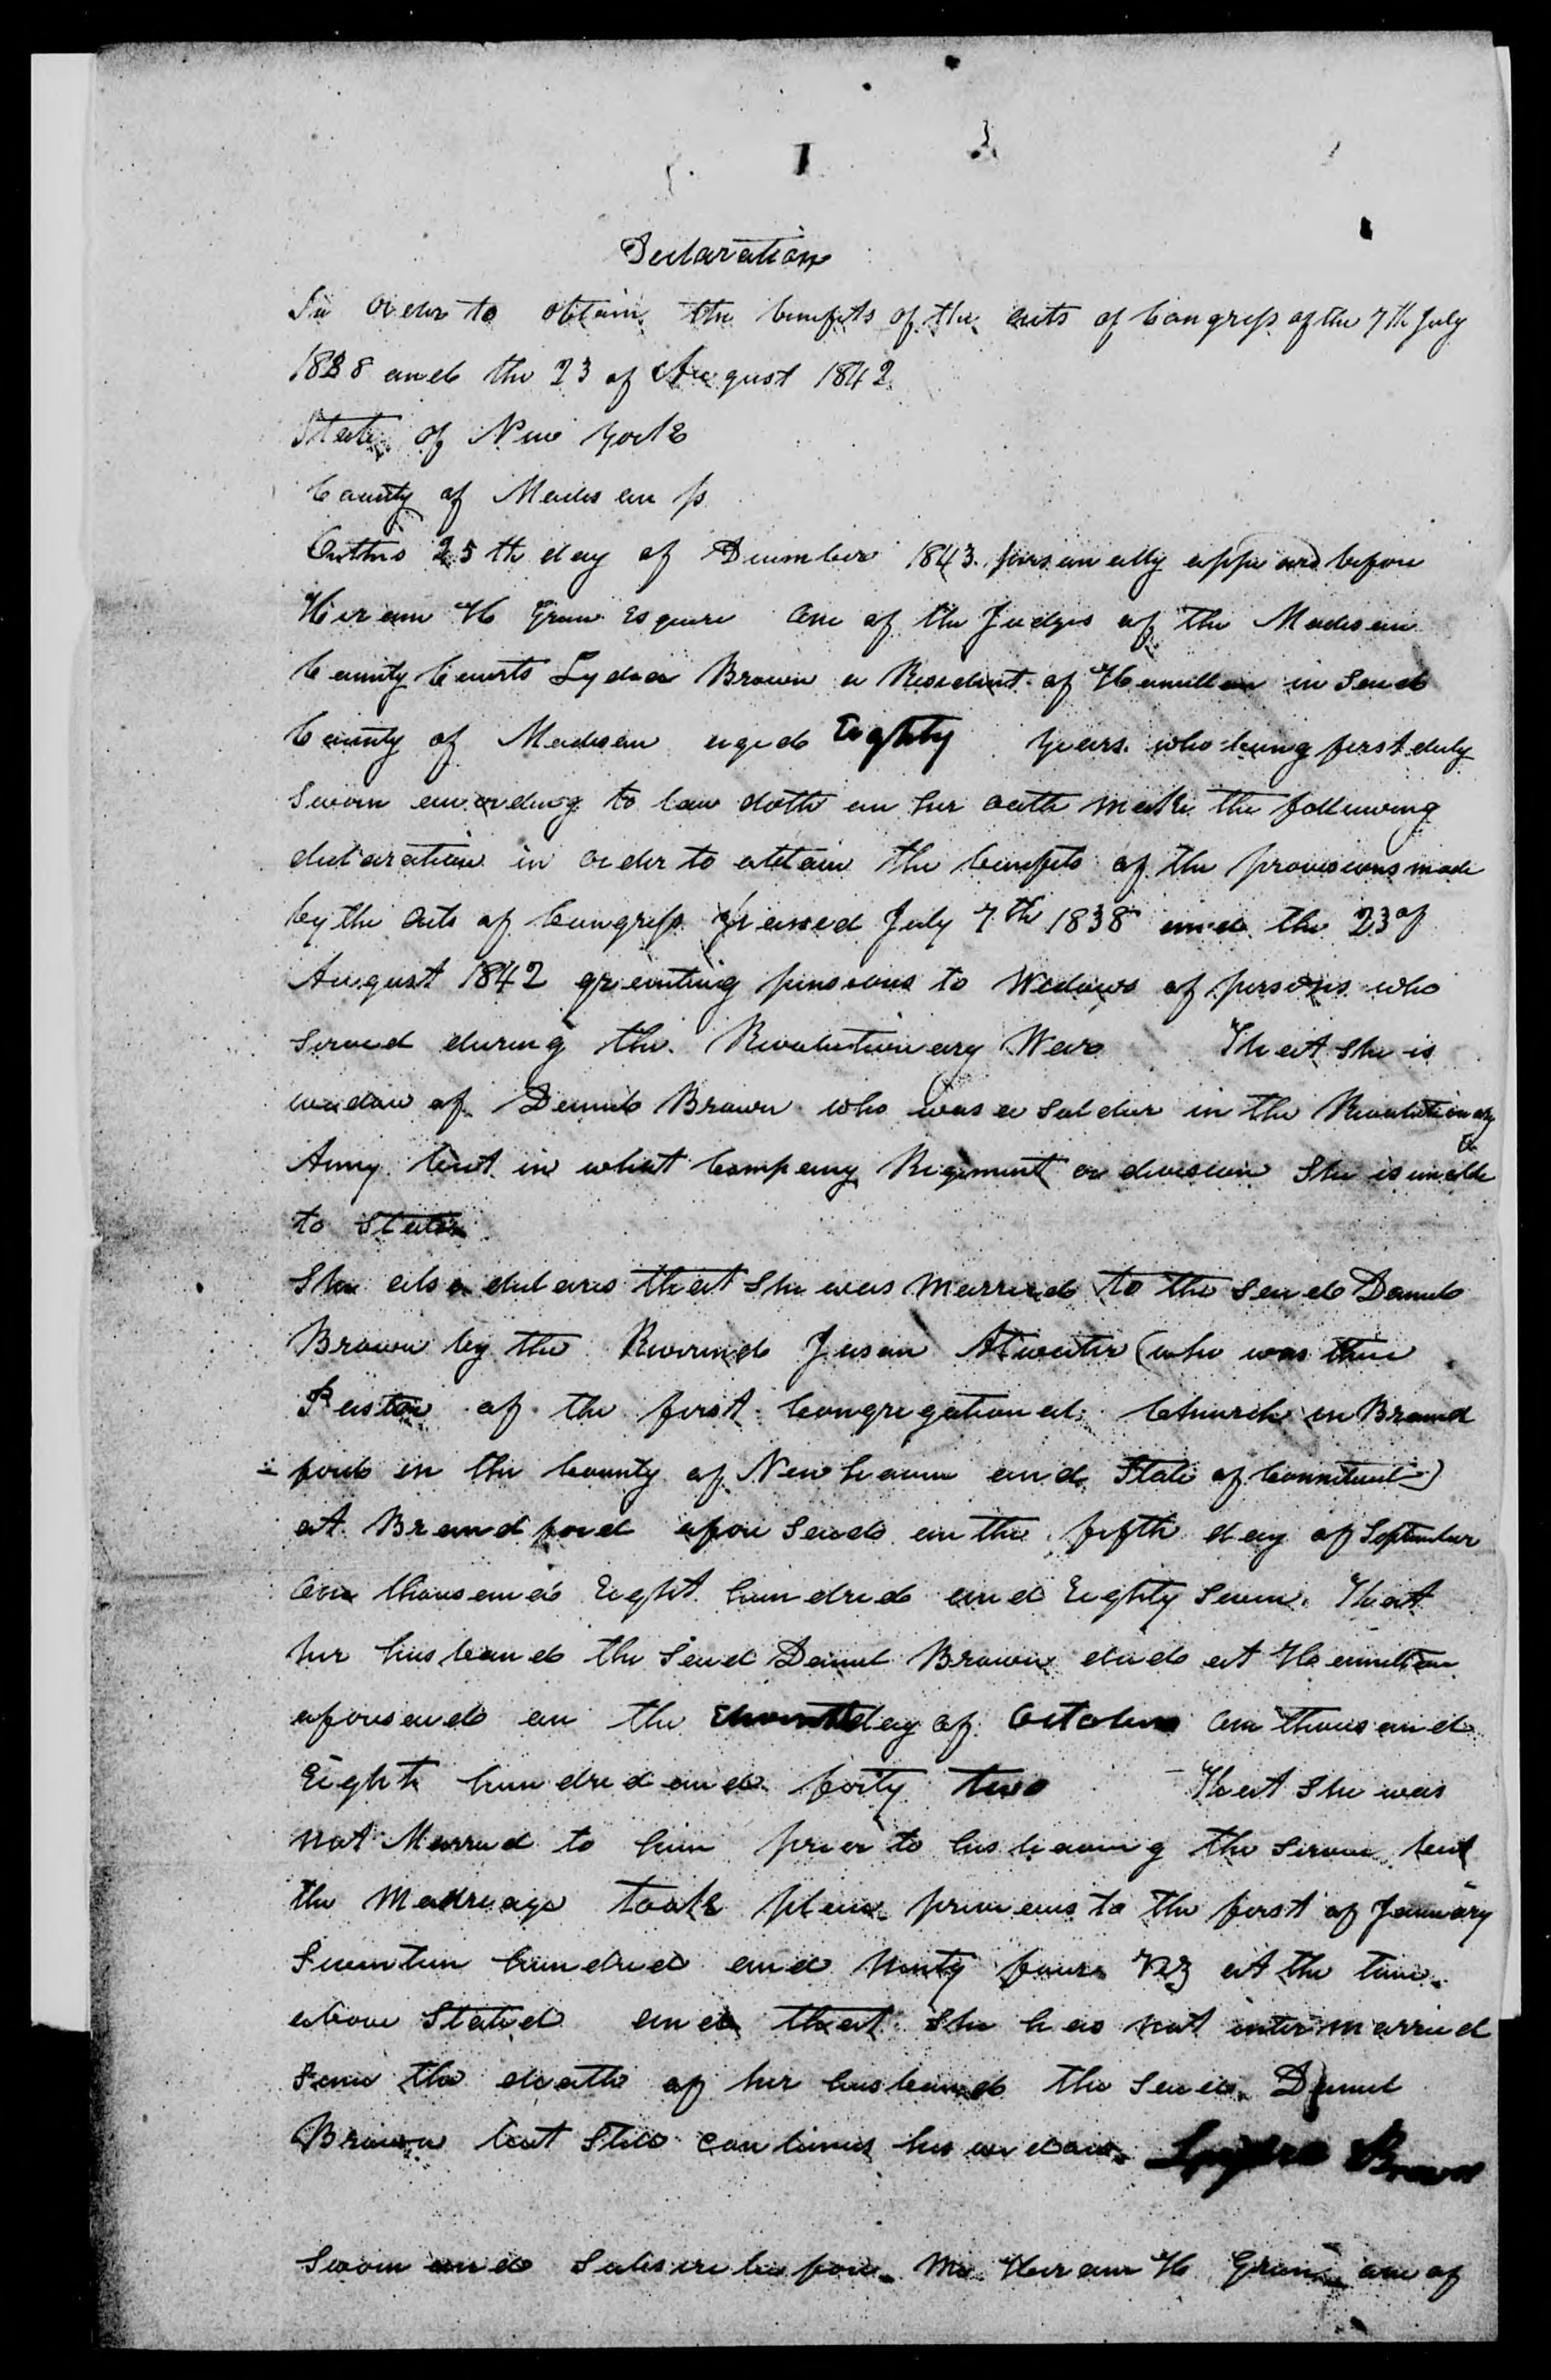Declaration
In order to obtain the benefits of the acts of Congress of the 7th July 1838 and the 23 of August 1842.
State of New York
County of Madison Ss.
On this 25th day of December 1843 personally appeared before Hiram H. Green Esquire one of the Judges of the Madison County Courts Lydia Brown a resident of Hamilton in said County of Madison aged eighty years who being first duly sworn according to law doth on her oath make the following declaration in order to obtain the benefits of the provisions made by the acts of Congress passed July 7th 1838 and the 23 of August 1842 granting pensions to widows of persons who served during the Revolutionary War. That she is widow of Daniel Brown who was a soldier in the Revolutionary Army  Brown died at the (illegible) aforesaid on the eleventh day of October one thousand eight hundred and forth two. That she was not married to him prior to his leaving the service but the marriage took place previous to the first of January Seventeen hundred and ninety four. viz at the time above stated since then she has not intermarried since the death of her husband the said Daniel Brown but still continues his widow. Lydia Brown

Sworn and subscribed before me Hiram H. Green and ofbut in what company Regiment of division she is unable to state.
She also declares that she was married to the said Daniel Brown by the Reverend Jusan Atwater (who was the Pastor of the first congregational church in Branford in the county of New Haven and state of Connecticut) at Brandford upon Leeds on the fifth day of September one thousand eight hundred and eighty seven. That her husband the said Daniel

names: Daniel Brown, Lydia Brown, Lydia Brown, Daniel Brown, Hiram H Green, Daniel Brown, Daniel Brown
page: 10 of 37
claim: widow's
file: W. 20,787, Daniel Brown, Conn. Navy.